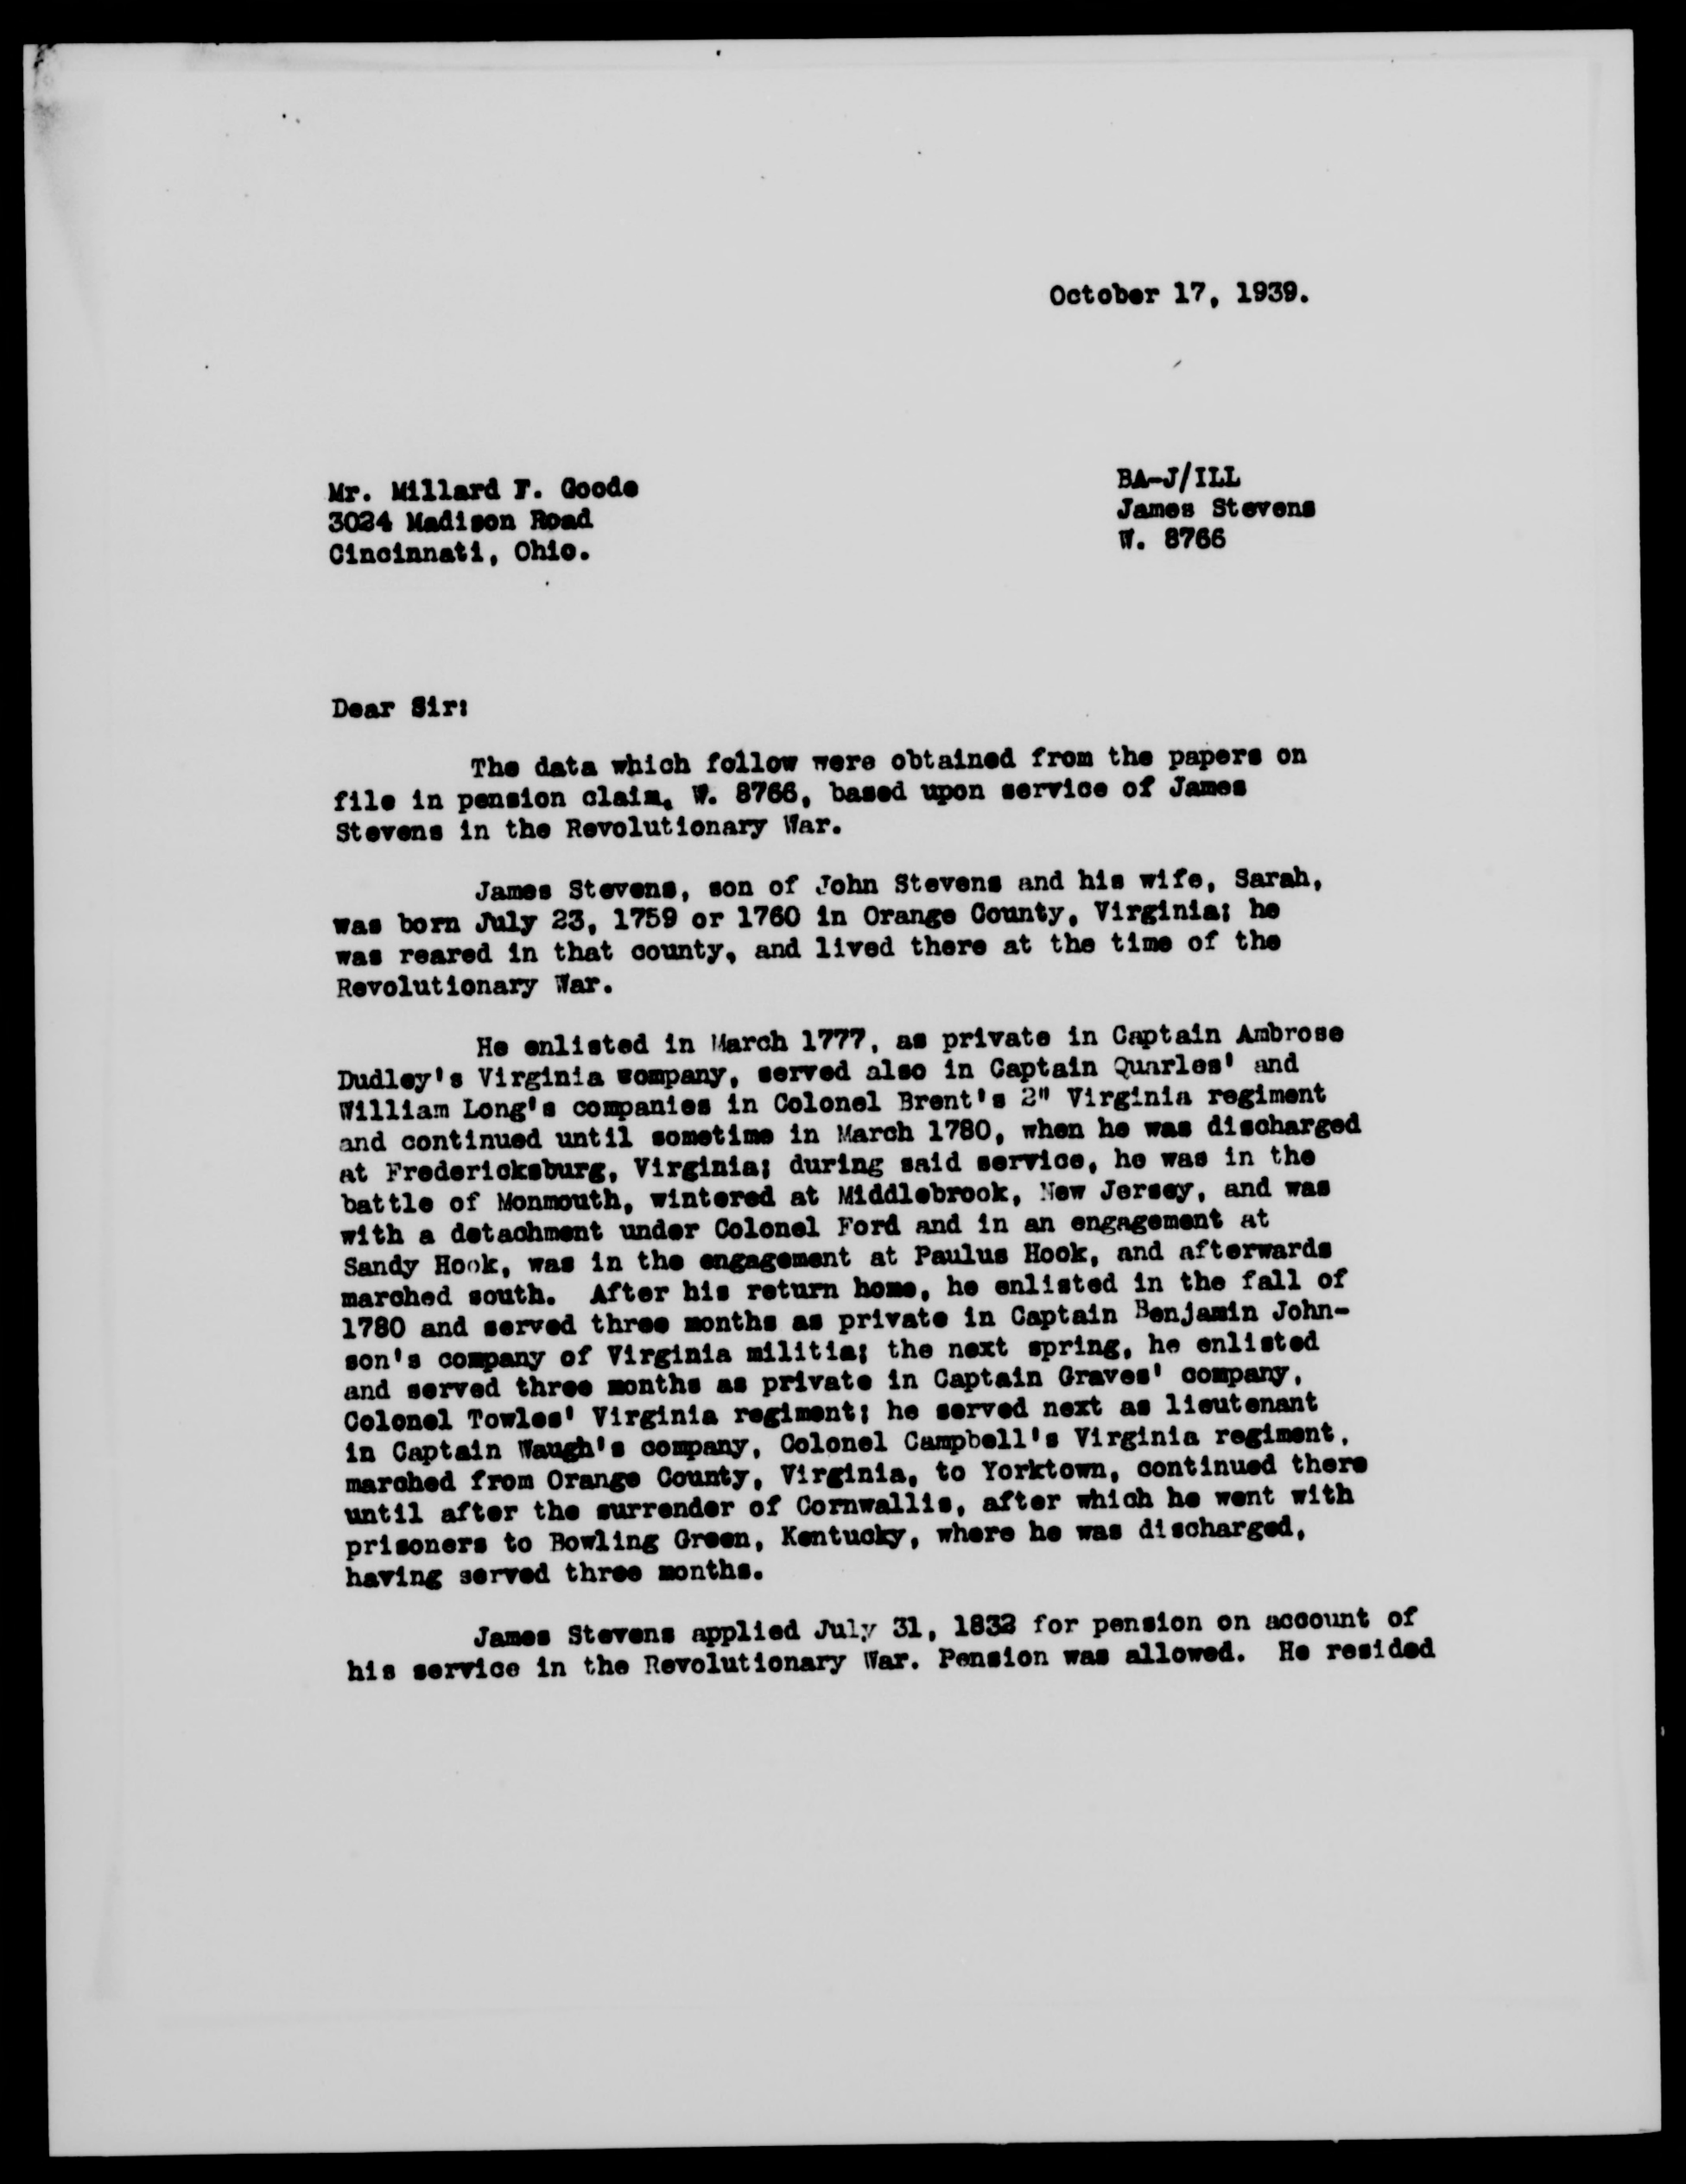October 17, 1939.
Mr. Millard F. Goode
3024 Madison Road
Cincinnati, Ohio.
BA-J/ILL
James Stevens
W. 8766
Dear Sir:
The data which follow were obtained from the papers on file in pension claim, W. 8766, based upon service of James Stevens in the Revolutionary War.
James Stevens, son of John Stevens and his wife, Sarah, was born July 23, 1759 or 1760 in Orange County, Virginia; he was reared in that county, and lived there at the time of the
Revolutionary War.
He enlisted in March 1777, as private in Captain Ambrose Dudley's Virginia company, served also in Captain Quarles' and William Long's companies in Colonel Brent's 2" Virginia regiment and continued until sometime in March 1780, when he was discharged
at Fredericksburg, Virginia; during said service, he was in the battle of Monmouth, wintered at Middlebrook, New Jersey, and was
with a detachment under Colonel Ford and in an engagement at Sandy Hook, was in the engagement at Paulus Hook, and afterwards
marched south. After his return home, he enlisted in the fall of 1780 and served three months as private in Captain Benjamin Johnson's company of Virginia militia; the next spring, he enlisted and served three months as private in Captain Graves' company, Colonel Towles' Virginia regiment; he served next as lieutenant
in Captain Waugh's company, Colonel Campbell's Virginia regiment, marched from Orange County, Virginia, to Yorktown, continued there until after the surrender of Cornwallis, after which he went with prisoners to Bowling Green, Kentucky, where he was discharged, having served three months.
James Stevens applied July 31, 1832 for pension on account of his service in the Revolutionary War Pension was allowed. He resided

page: 28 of 99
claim: widow's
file: W 8766, for James Stevens, Virginia